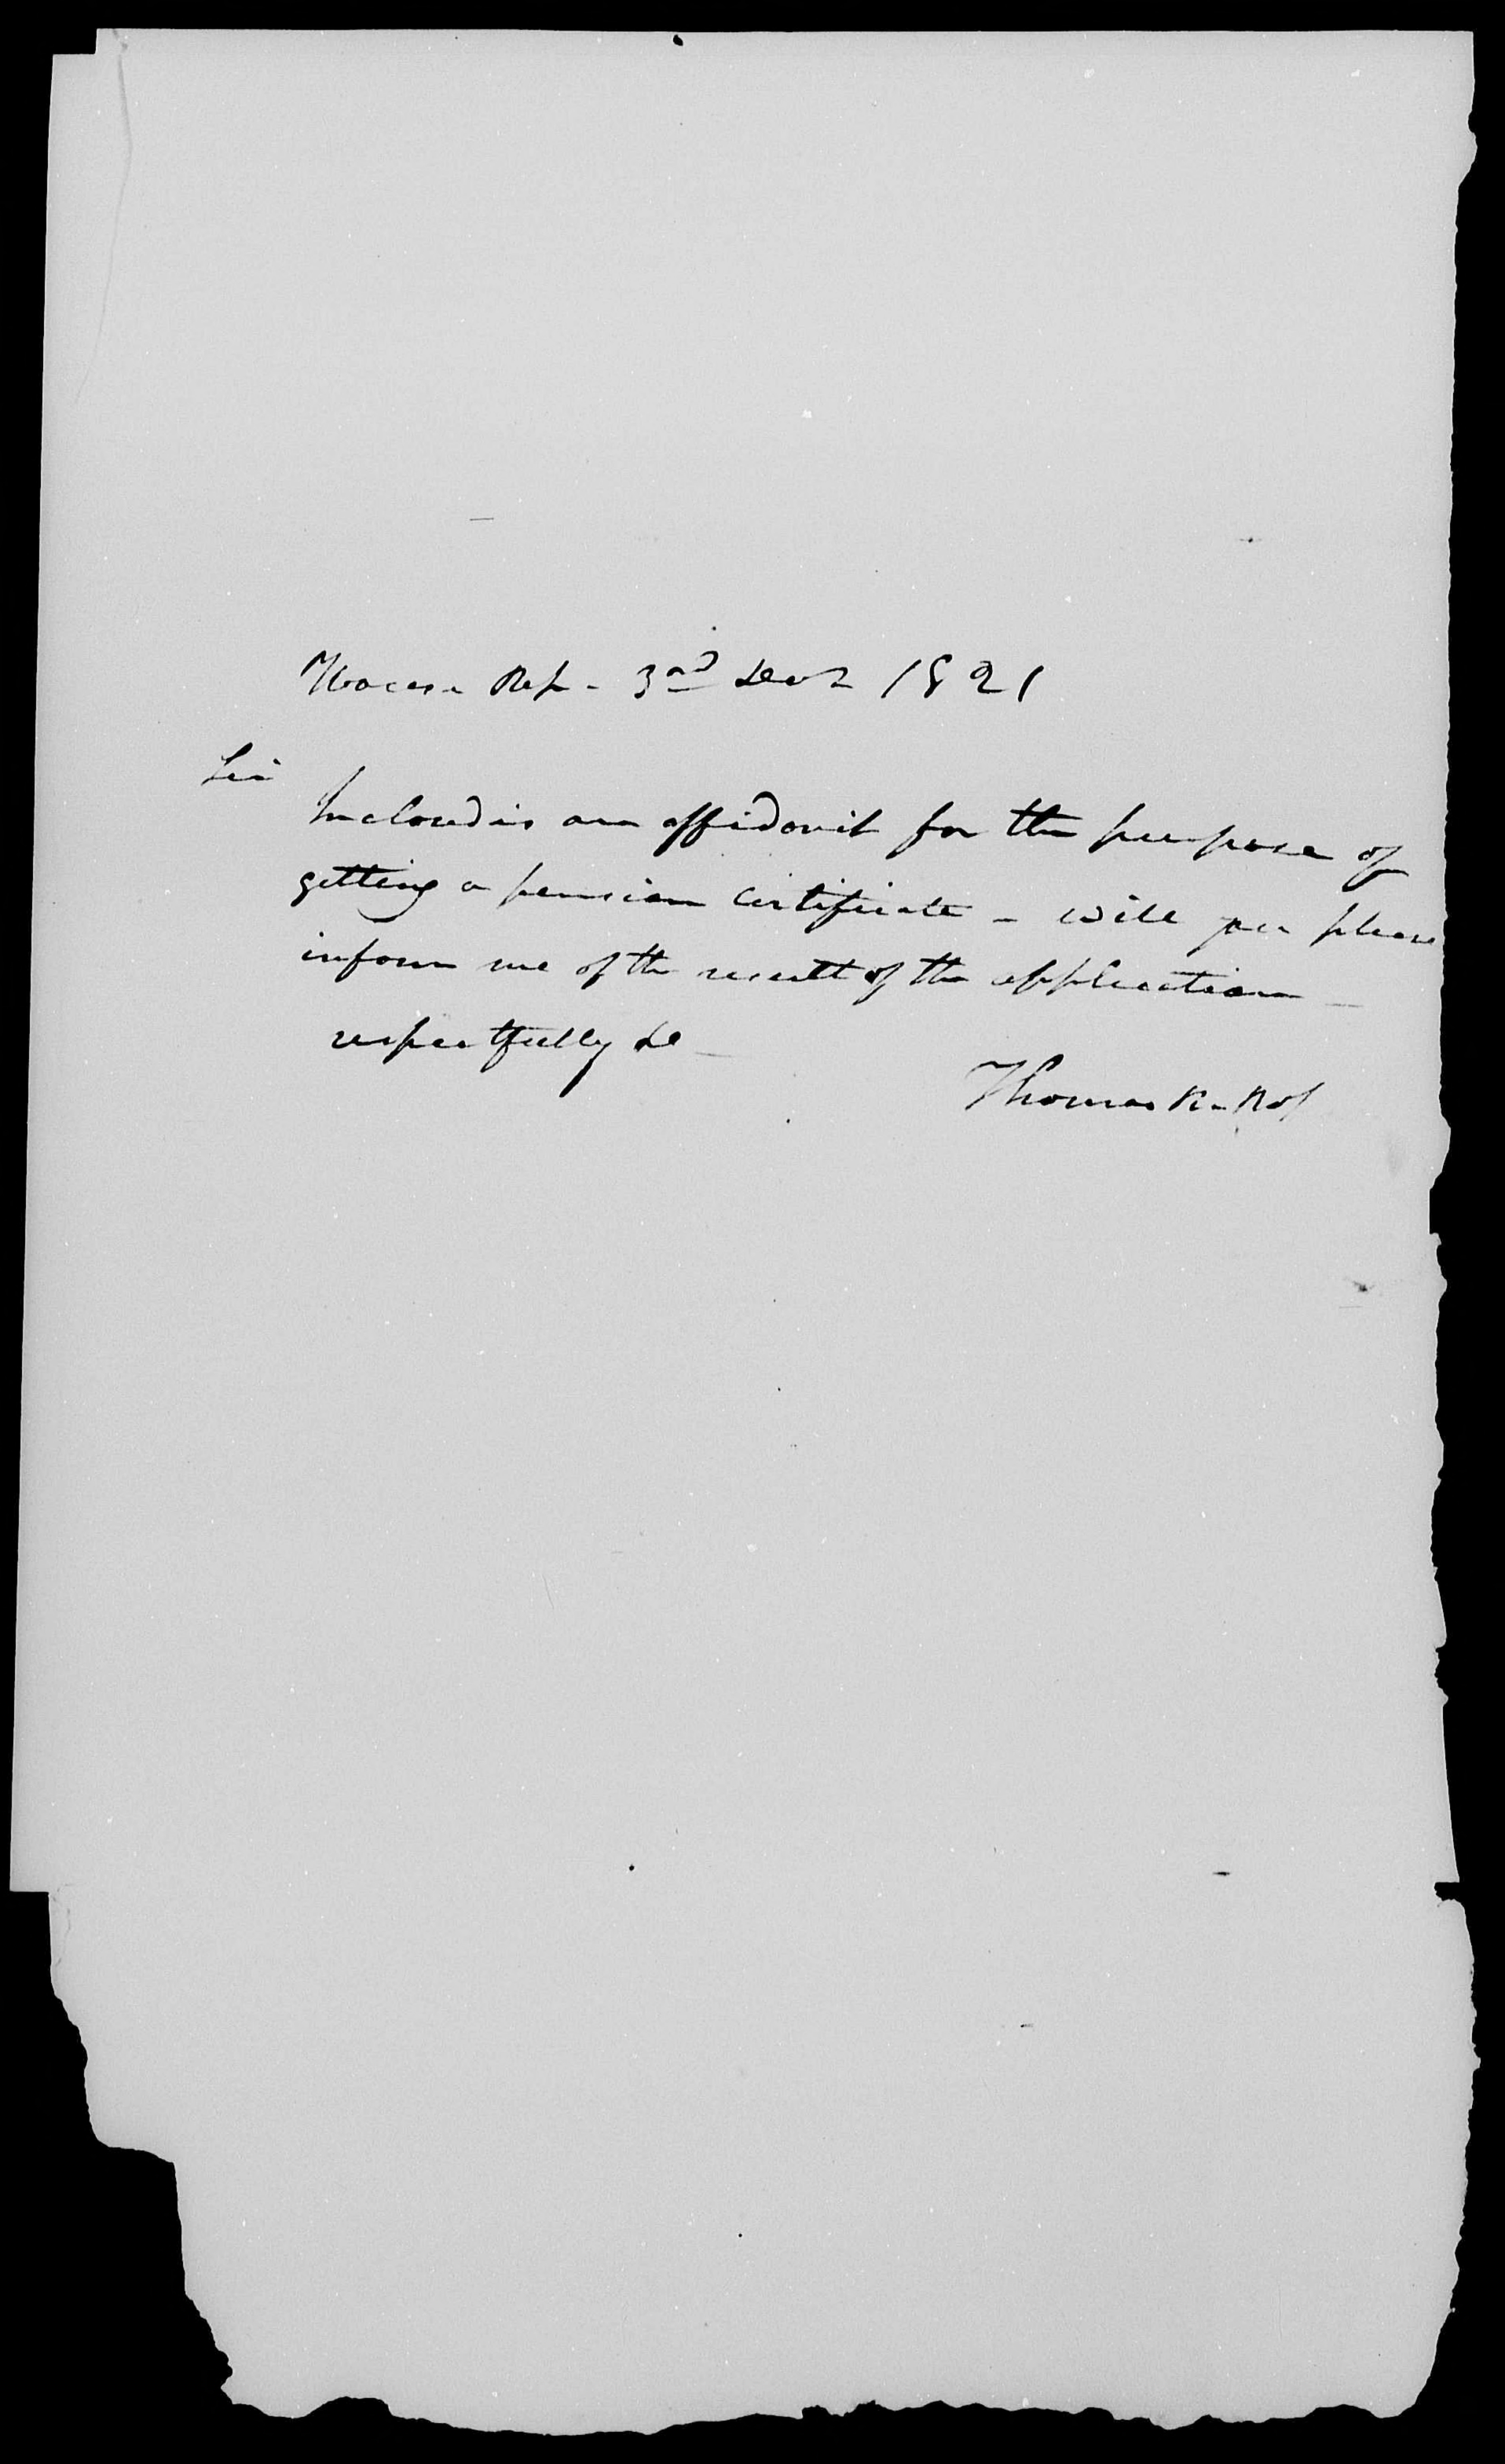[Mocan? Rep - 3rd Dec 1821
Sir   Inclosed is an affidavit for the purpose of getting a pension certificate - will you please inform me of the result of the application
  respectfully &c       Thomas R. Ros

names: Thomas R Ros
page: 18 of 21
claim: survivor's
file: S. 42691, Jacob Earenfight, Continental Ohio Residence And Agency